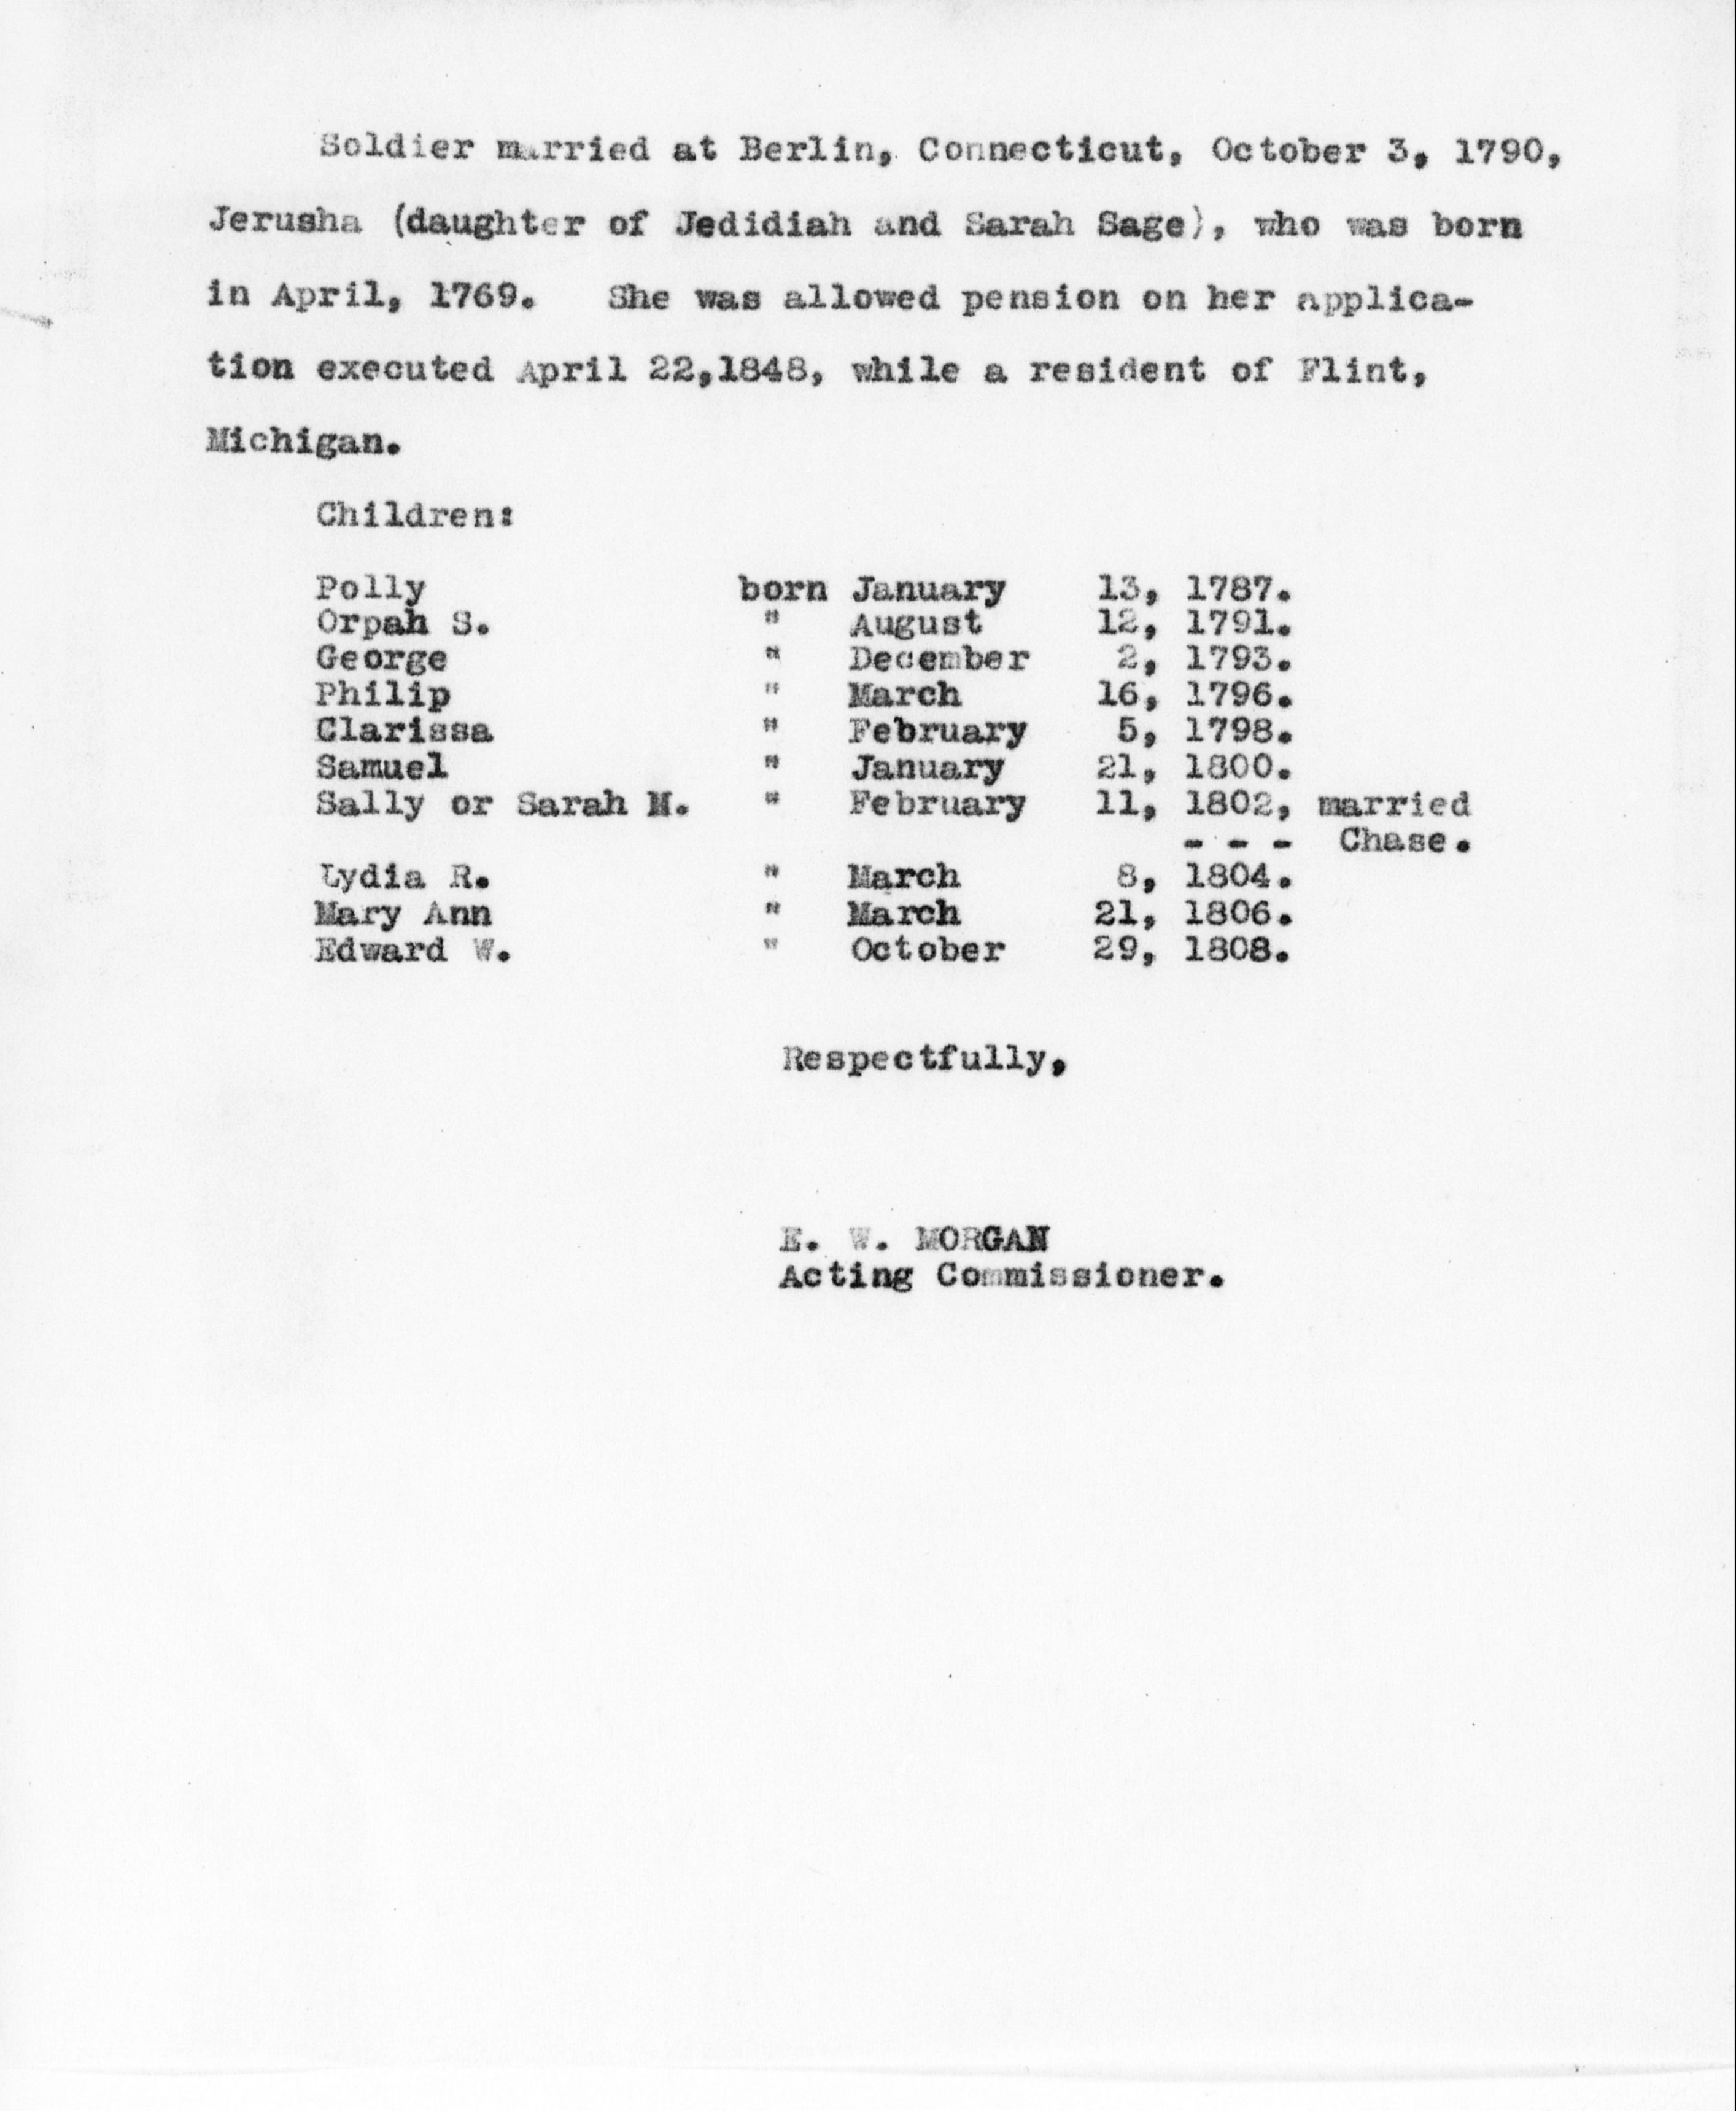Soldier married at Berlin, Connecticut, October 3, 1790,
Jerusha (daughter of Jedidiah and Sarah Sage), who was born
in April, 1769. She was allowed pension on her application
executed April 22, 1848, while a resident of Flint,
Michigan.
Children:
Polly born January 13, 1787
Orpah S. born August 12, 1791
George born December 2, 1795
Philip born December 2, 1793
Clarissa born February 5, 1798
Samuel born January 21, 1800
Sally or Sarah H. born February 11, 1802, married Chase.
Lydia R. born March 8, 1804
Mary Ann born March 21, 1806
Edward W. born October 29, 1808
Respectfully,
E, W. MORGAN
Acting Commissioner.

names: Orpah S, Mary Ann, Polly, Sally, Edward W, Clarissa, Samuel, Sarah Sage, Lydia R, E W Morgan, George, Sarah M, Jedidiah Sage, Philip, Jerusha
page: 19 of 78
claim: widow's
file: W. 4117, Nathaniel Bradley, Conn.